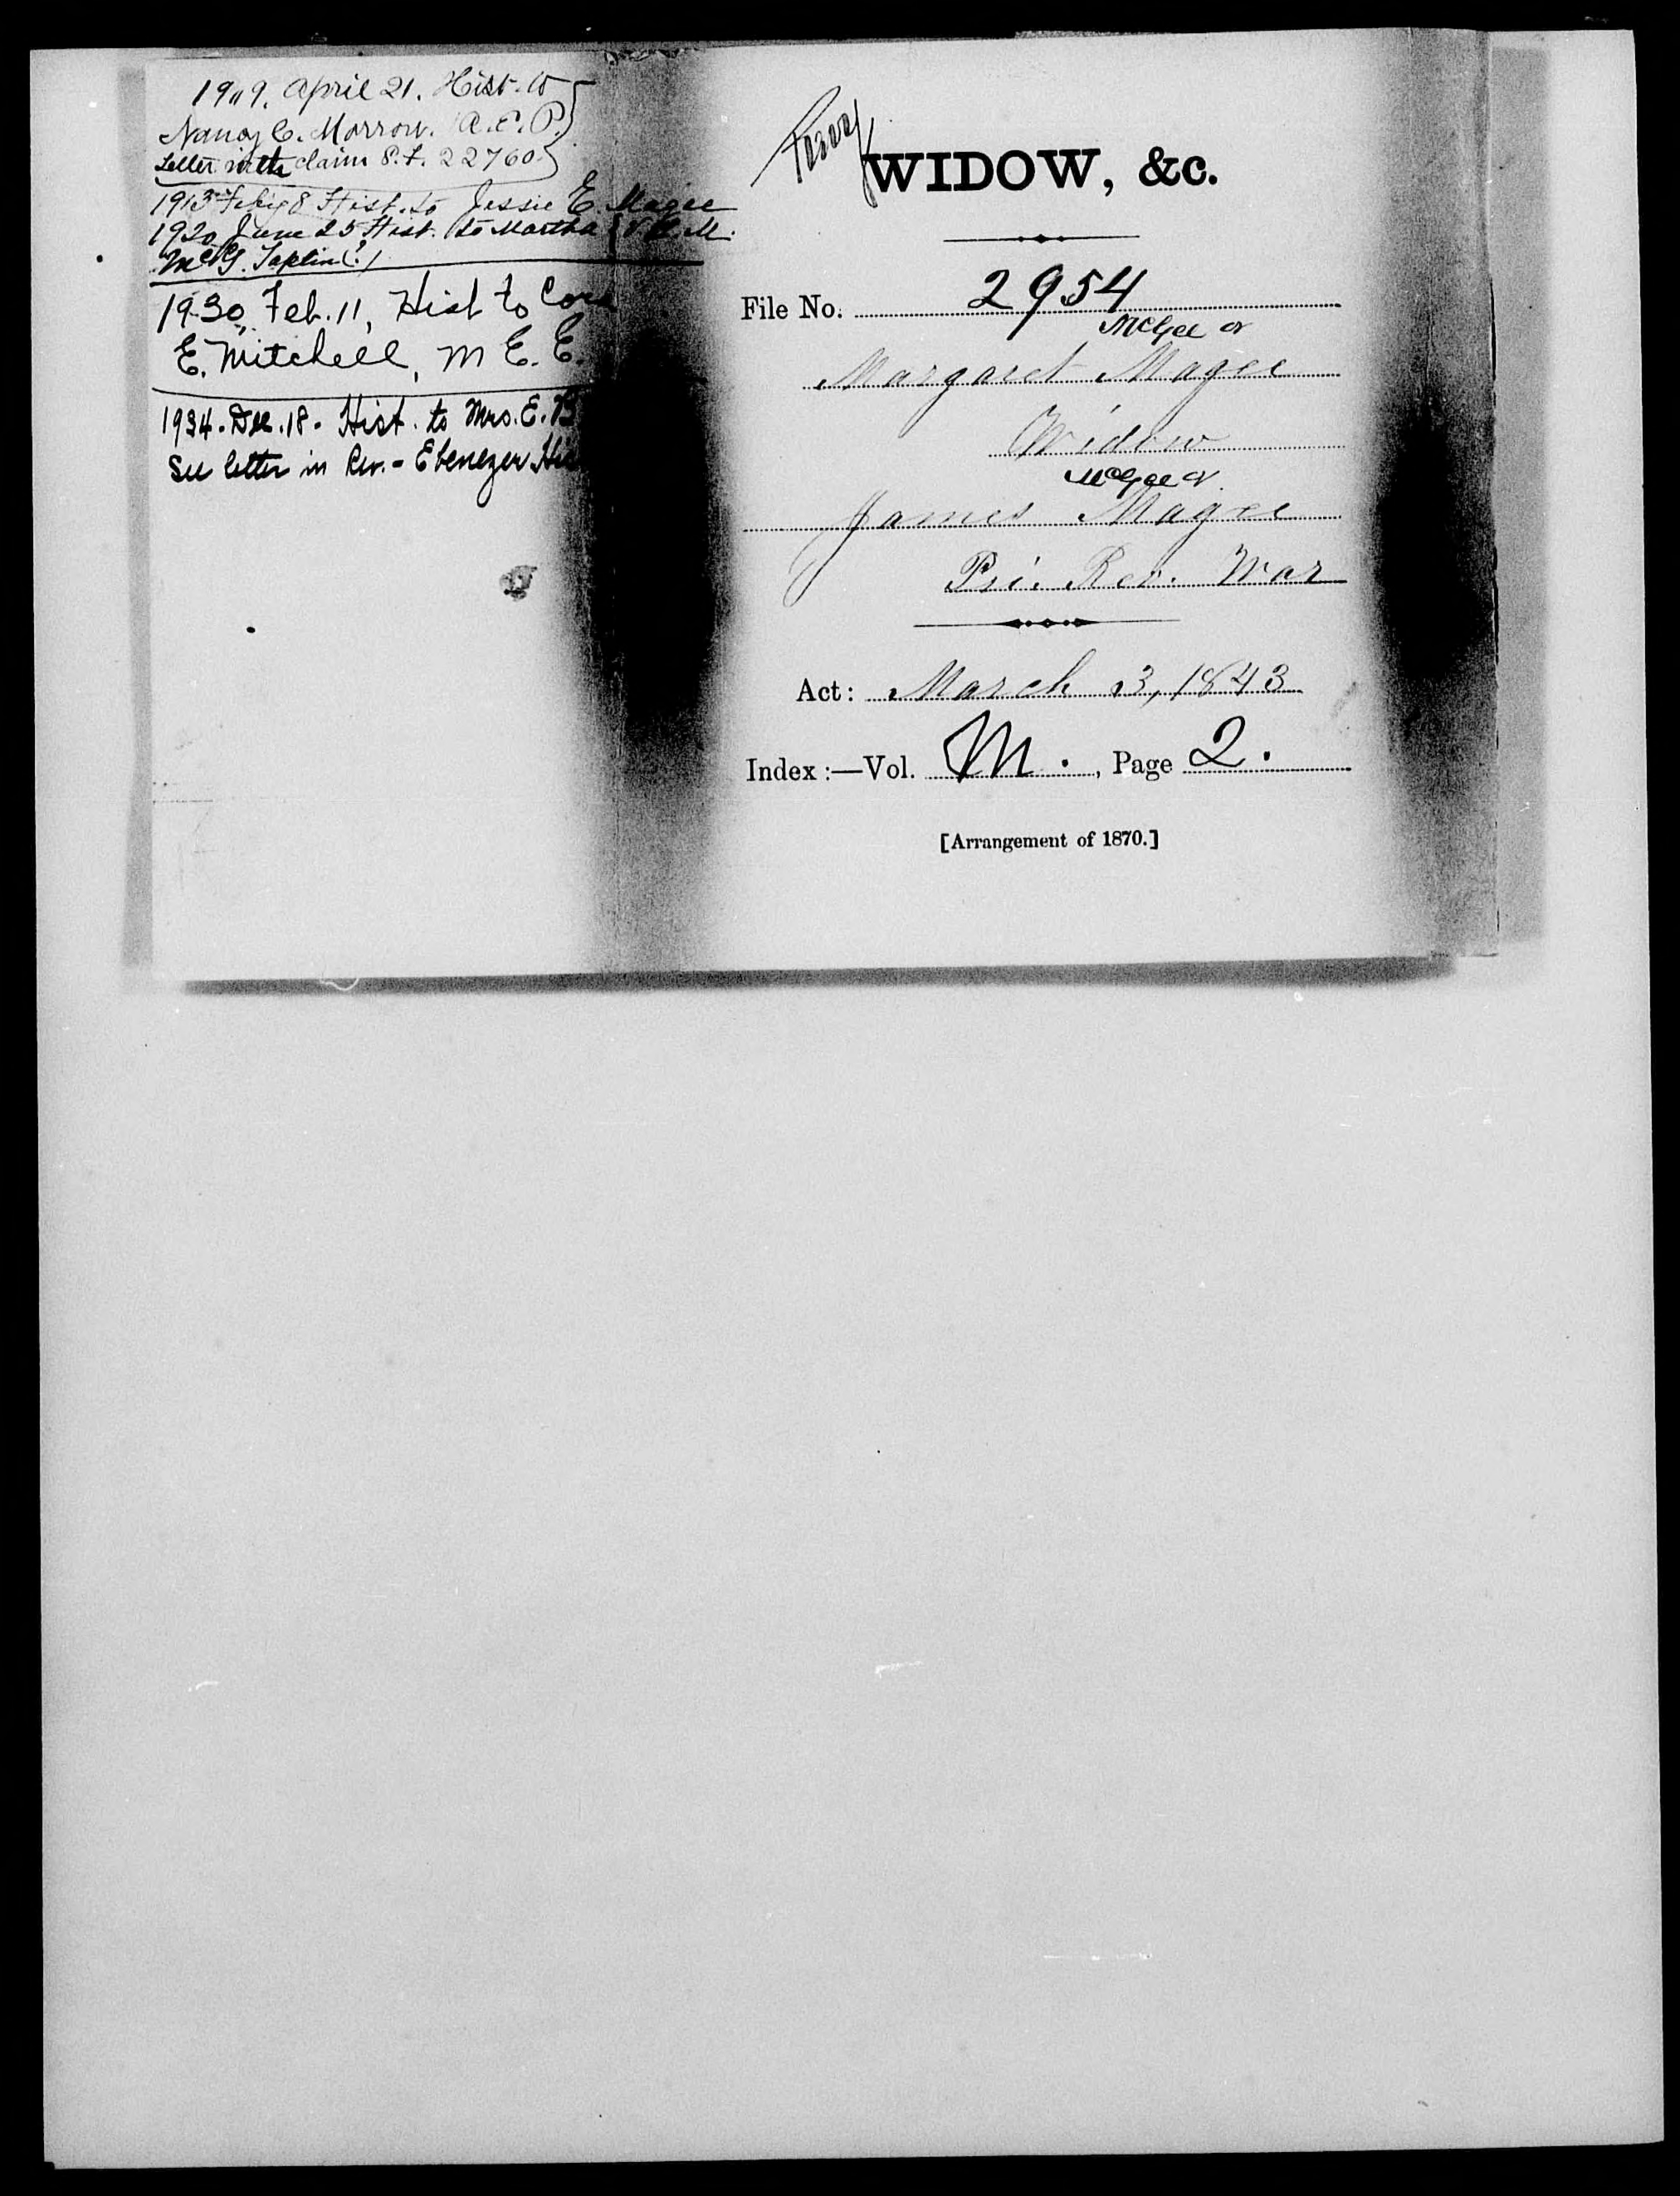1909. April 21. Hist to
Nancy C. Morrow, A.E.P.
Letter with claim S.F. 22760
1913 Feby 8 Hist to Jessie E Magee
1920 June 25 Hist. to Martha [illegible]
McG. Taplin.(?)
1930 Feb. 11. Hist to Cora
E. Mitchell, M E. E.
1934. Dec. 18. Hist. to Mrs. E.B [blacked out]
See letter in [illegible] . Ebenezer [illegible]

WIDOW, &c.
File No. 2954

McGee or
Margaret Magee
Widow
McGee
James Magee
Pri Rev. War
---
Act: March 3, 1843
Index: - Vol. M, Page 2.
[Arrangement of 1870.]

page: 18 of 77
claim: widow's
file: W 2954, for James Mc Gee, Delaware